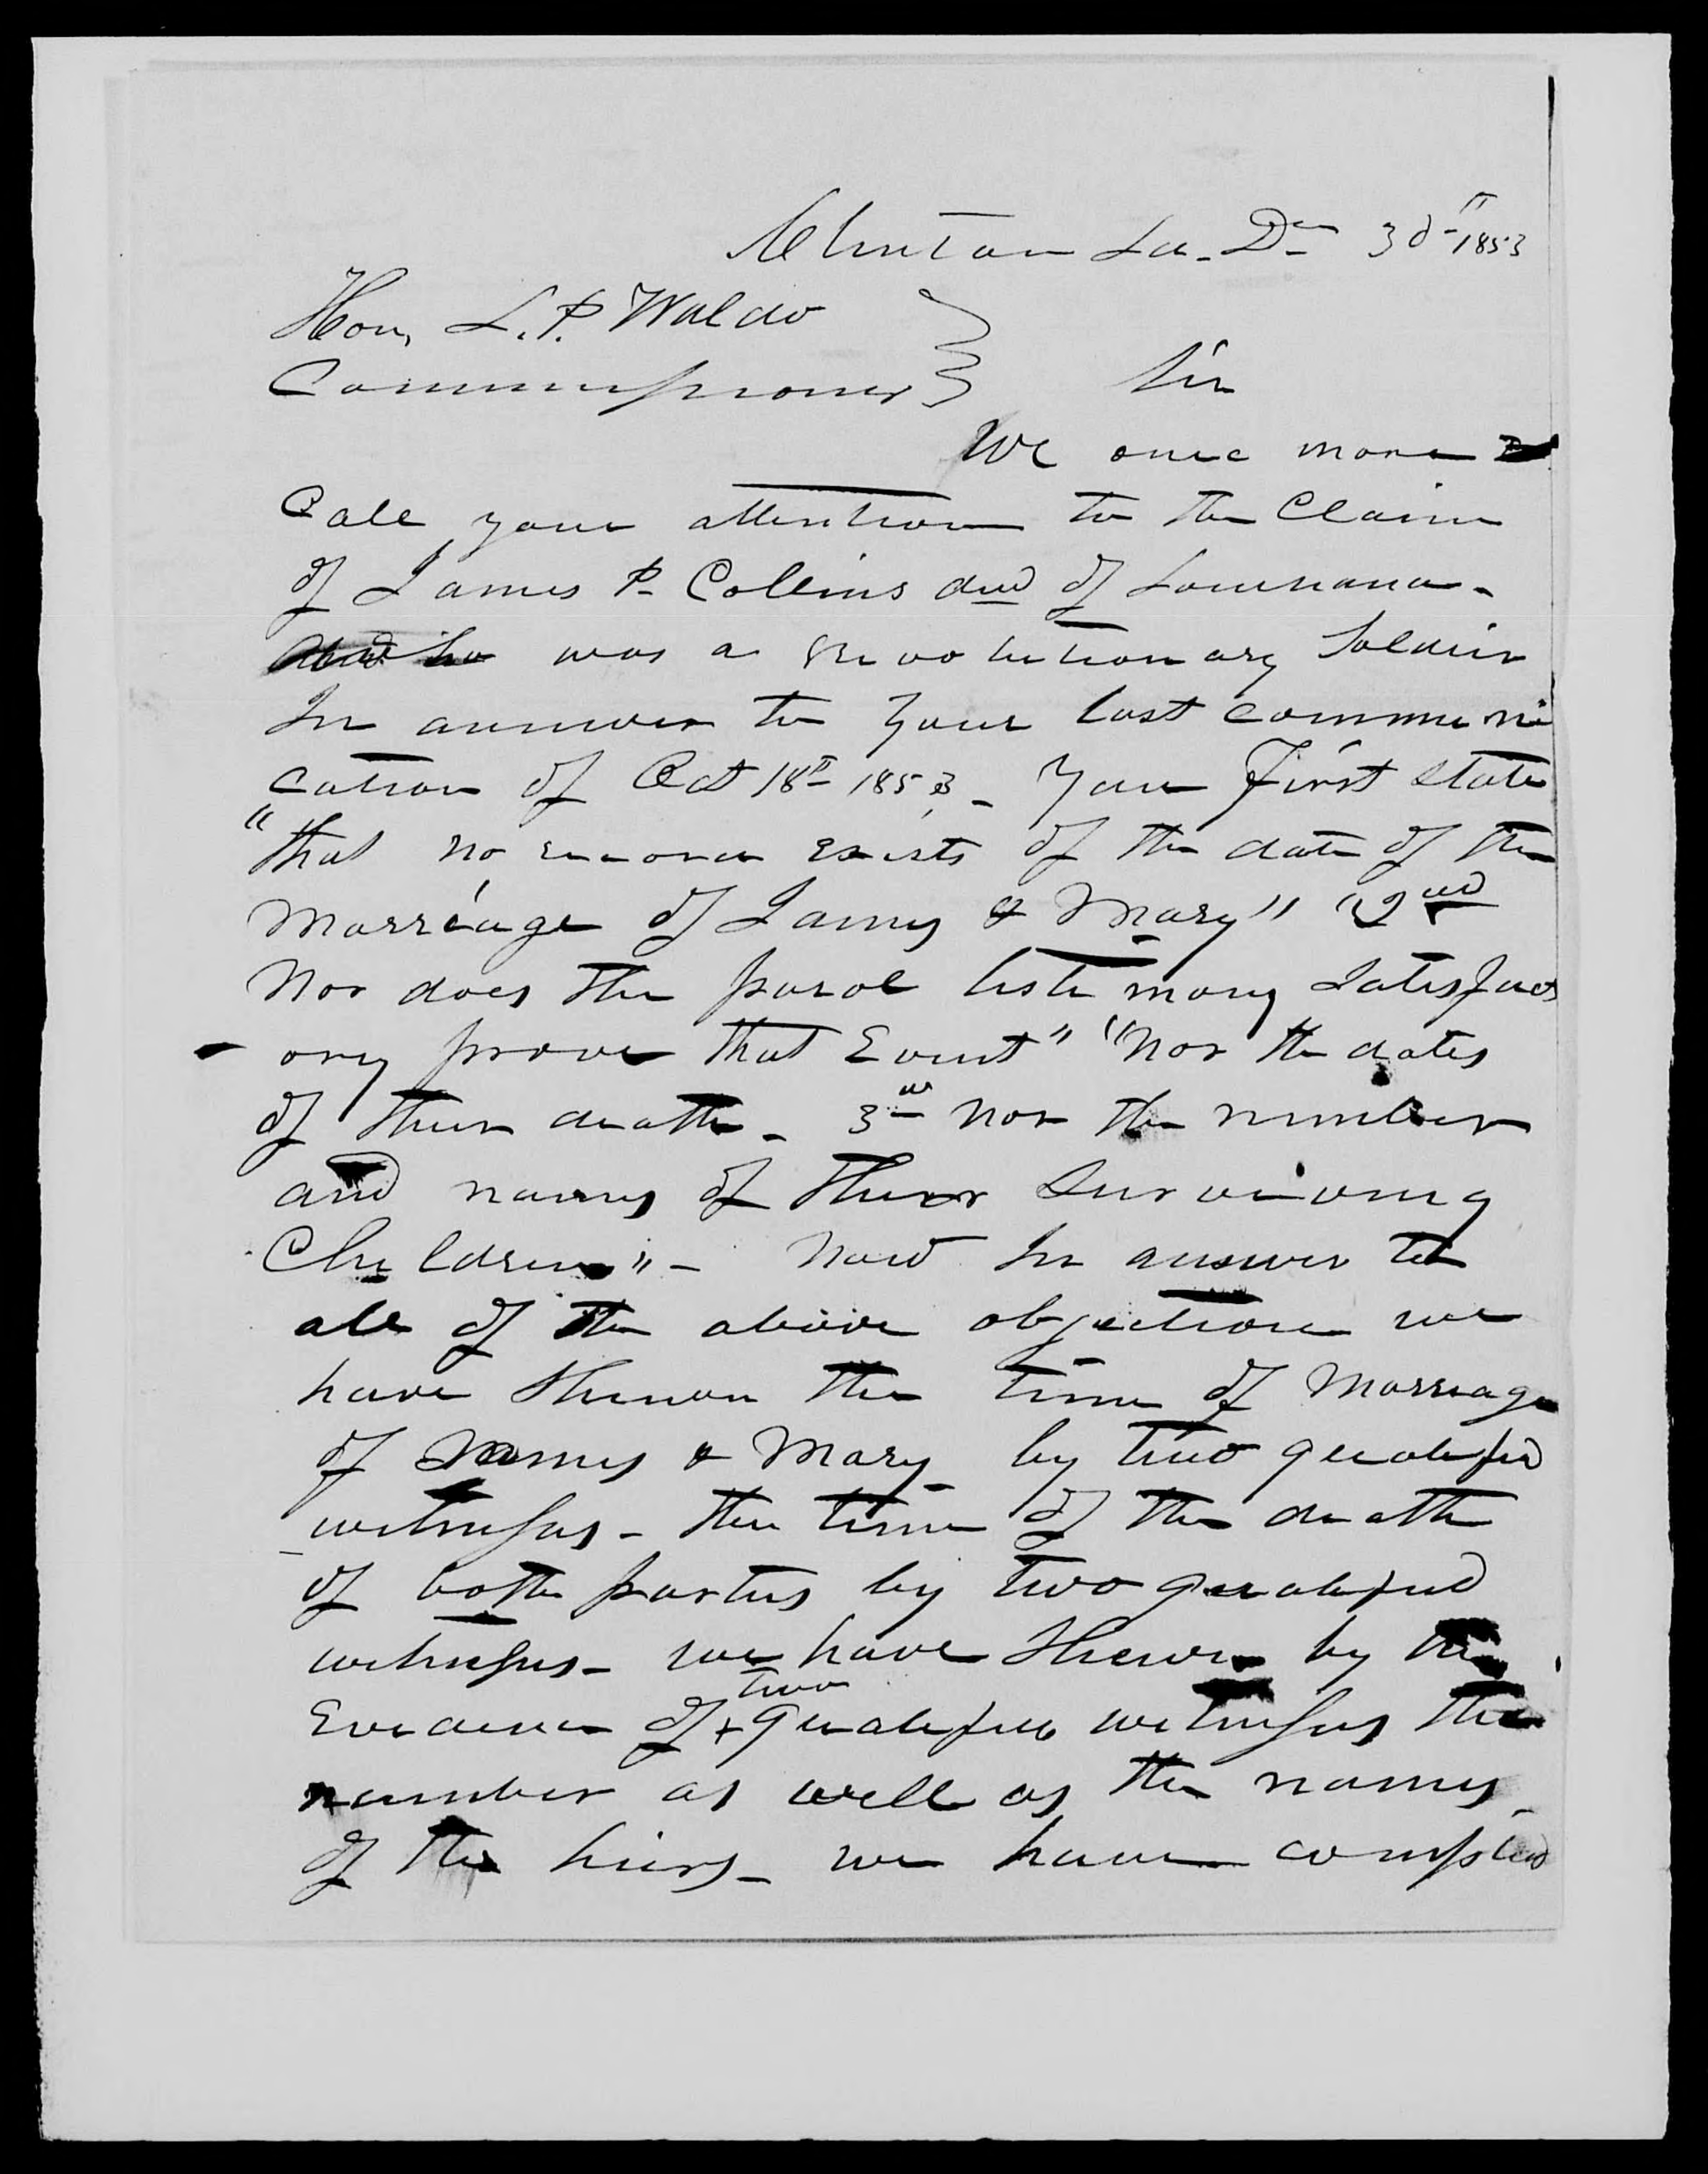Clinton La. Dec 30 1853
Hon. L. P. Waldo
Commissioner pensions
Sir,
We once more call your attention to the claim of James P Collins dcd of Louisiana a Revolutionary Soldier

In answer to your last communication of Oct 18th 1853 you first State that "no record exists of the date of the Marriage of James & Mary" 2nd Nor does the parole testimony satisfactorily  prove that event, nor the dates of their death- 3rd nor the number and names of their surviving
Children - Now. In answer to all of the above objection we have shewn the time of Marriage
of James & Mary by two qualified witnesses - the time of the death of both parties by two qualified witnesses-- we have shewn by the evidence of two qualified witnesses the number as well as the names of the heirs-- we have complied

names: James, James P Collins, Mary, Mary, James, L P Waldo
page: 26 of 48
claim: rejected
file: R. 2173, James P Collins, S. C.